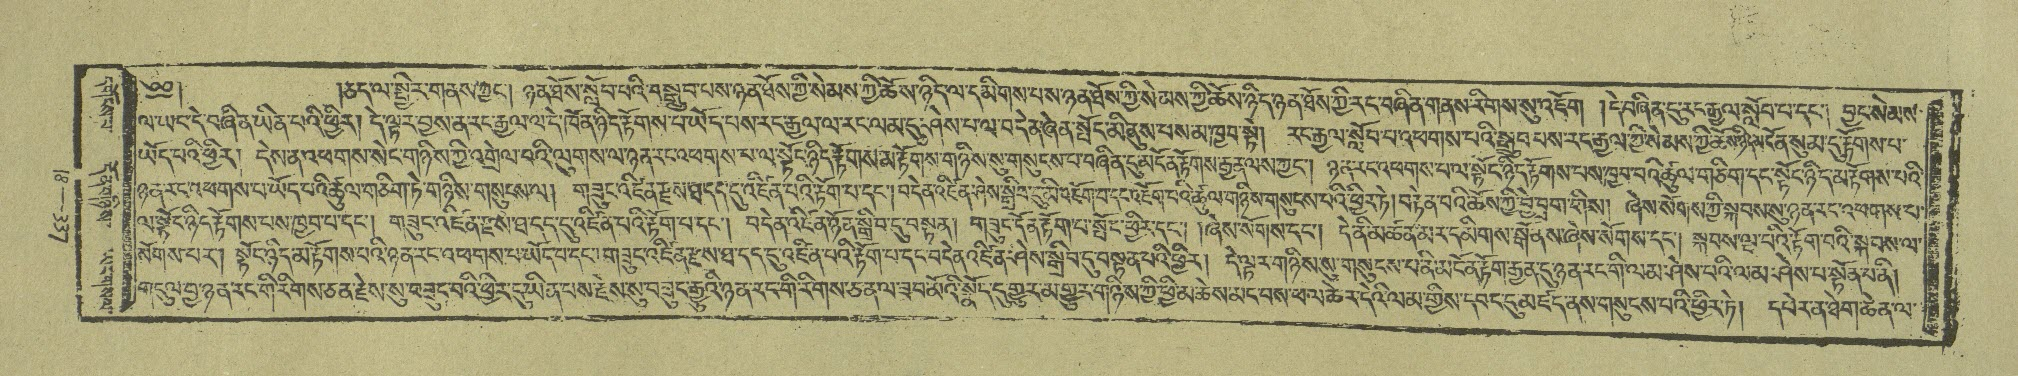༄༅། །ཅད་ལ་སྤྱིར་གནས་ཀྱང་། ཉན་ཐོས་སློབ་པའི་བསྒྲུབ་པས་ཉན་ཐོས་ཀྱི་སེམས་ཀྱི་ཆོས་ཉིད་ལ་དམིགས་པས་ཉན་ཐོས་ཀྱི་སེམས་ཀྱི་ཆོས་ཉིད་ཉན་ཐོས་ཀྱི་རང་བཞིན་གནས་རིགས་སུ་འཇོག །དེ་བཞིན་དུ་རང་རྒྱལ་སློབ་པ་དང་། བྱང་སེམས་
ལ་ཡང་དེ་བཞིན་ཡིན་པའི་ཕྱིར། དེ་ལྟར་བྱས་ན་རང་རྒྱལ་ལ་དེ་ཁོ་ན་ཉིད་རྟོགས་པ་ཡོད་པས་རང་རྒྱལ་ལ་རང་ལམ་དུ་ཤེས་པ་ལ་བདེན་ཞེན་སྤོང་མི་ནུས་པས་མ་ཁྱབ་སྟེ། རང་རྒྱལ་སློབ་པ་འཕགས་པའི་སྒྲུབ་པས་རང་རྒྱལ་ཀྱི་སེམས་ཀྱི་ཆོས་ཉིད་མངོན་སུམ་དུ་རྟོགས་པ་
ཡོད་པའི་ཕྱིར། དེས་ན་འཕགས་སེང་གཉིས་ཀྱི་འགྲེལ་བའི་ལུགས་ལ་ཉན་རང་འཕགས་པ་ལ་སྟོང་ཉིད་རྟོགས་མ་རྟོགས་གཉིས་སུ་གསུངས་པ་བཞིན་དུ་མངོན་རྟོགས་རྒྱན་ལས་ཀྱང་། ཉན་རང་འཕགས་པ་ལ་སྟོང་ཉིད་རྟོགས་པས་ཁྱབ་པའི་ཚུལ་གཅིག་དང་སྟོང་ཉིད་མ་རྟོགས་པའི་
ཉན་རང་འཕགས་པ་ཡོད་པའི་ཚུལ་གཅིག་ཏེ་གཉིས་གསུངས་ལ། གཟུང་འཛིན་རྫས་ཐ་དད་དུ་འཛིན་པའི་རྟོག་པ་དང་། བདེན་འཛིན་ཤེས་སྒྲིབ་དུ་མི་འཇོག་པ་དང་འཇོག་པའི་ཚུལ་གཉིས་གསུངས་པའི་ཕྱིར་ཏེ། བརྟེན་པའི་ཆོས་ཀྱི་བྱེ་བྲག་གིས། ཞེས་སོགས་ཀྱི་སྐབས་སུ་ཉན་རང་འཕགས་པ་
ལ་སྟོང་ཉིད་རྟོགས་པས་ཁྱབ་པ་དང་། གཟུང་འཛིན་རྫས་ཐ་དད་དུ་འཛིན་པའི་རྟོག་པ་དང་། བདེན་འཛིན་ཉོན་སྒྲིབ་དུ་བསྟན། གཟུང་དོན་རྟོག་པ་སྤོང་ཕྱིར་དང་། །ཞེས་སོགས་དང་། དེ་ནི་མཚན་མར་དམིགས་སྒོ་ནས་ཞེས་སོགས་དང་། སྐབས་ལྔ་བའི་རྟོག་པའི་སྐབས་ལ་
སོགས་པར། སྟོང་ཉིད་མ་རྟོགས་པའི་ཉན་རང་འཕགས་པ་ཡོད་པ་དང་། གཟུང་འཛིན་རྫས་ཐ་དད་དུ་འཛིན་པའི་རྟོག་པ་དང་བདེན་འཛིན་ཤེས་སྒྲིབ་དུ་བསྟན་པའི་ཕྱིར། དེ་ལྟར་གཉིས་སུ་གསུངས་པ་ནི་མངོན་རྟོག་རྒྱན་དུ་ཉན་རང་གི་ལམ་ཤེས་པའི་ལམ་ཤེས་པ་སྟོན་པ་ནི།
གདུལ་བྱ་ཉན་རང་གི་རིགས་ཅན་རྗེས་སུ་བཟུང་བའི་ཕྱིར་དུ་ཡིན་པས་རྗེས་སུ་བཟུང་རྒྱུའི་ཉན་རང་གི་རིགས་ཅན་ལ་ཟབ་མོའི་སྣོད་དུ་གྱུར་མ་གྱུར་གཉིས་ཀྱི་ཕྱི་མ་ཆེས་མང་བས་ཕལ་ཆེར་དེའི་ལམ་གྱིས་དབང་དུ་མཛད་ནས་གསུངས་པའི་ཕྱིར་ཏེ། དཔེར་ན་ཐེག་ཆེན་ལ་